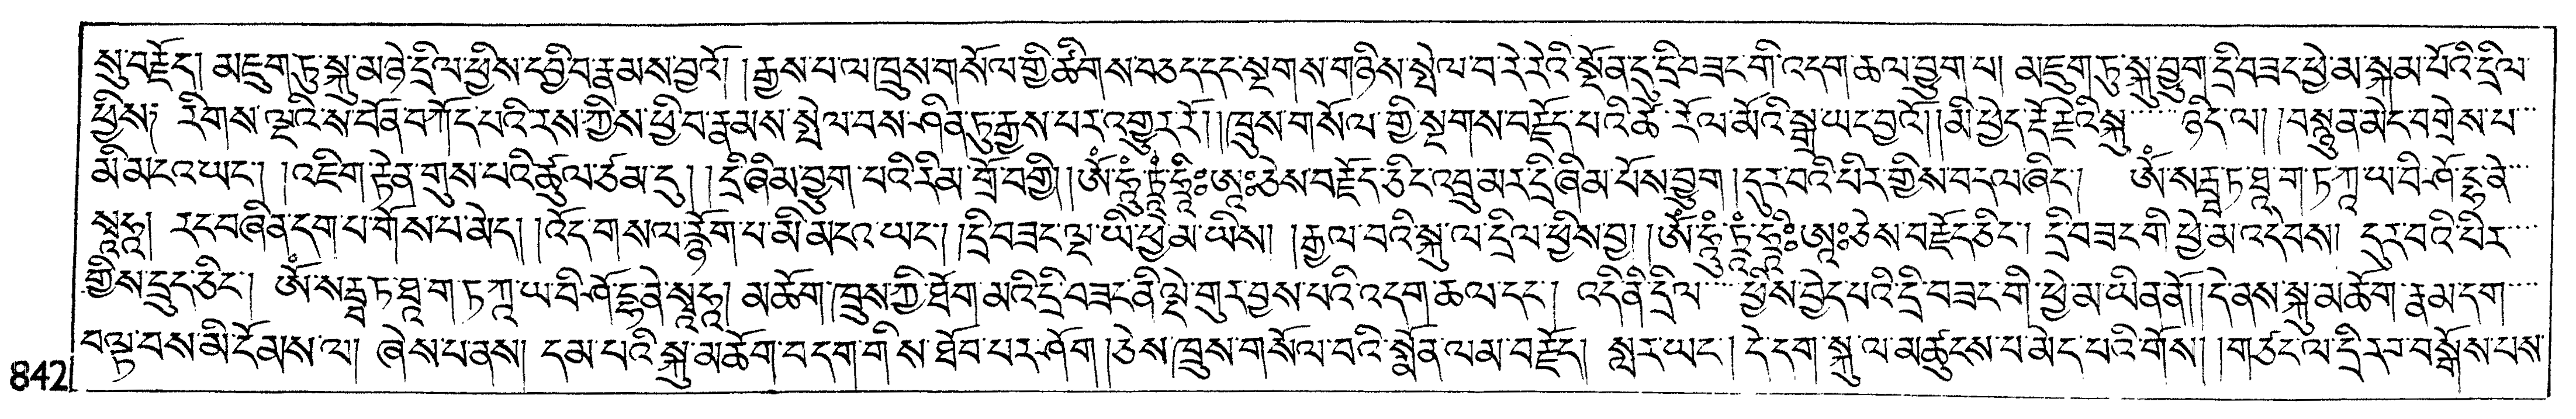སུ་བརྗོད། །མཇུག་ཏུ་སྐུ་མཉེ་དྲིལ་ཕྱིས་དབྱི་བ་རྣམས་བྱའོ། །རྒྱས་པ་ལ་ཁྲུས་གསོལ་གྱི་ཚིགས་བཅད་དང་སྔགས་གཉིས་སྤེལ་བ་རེ་རེའི་སྔོན་དུ་དྲི་བཟང་གི་འདག་ཆལ་བྱུག་པ། མཇུག་ཏུ་སྐུ་བྱུག་དྲི་བཟང་ཕྱེ་མ་སྐམ་པོའི་དྲིལ་
ཕྱིས༑ རིགས་ལྔའི་ས་བོན་བཀོད་པའི་རས་ཀྱིས་ཕྱི་བ་རྣམས་སྤེལ་བས་ཤིན་ཏུ་རྒྱས་པར་འགྱུར་རོ། །ཁྲུས་གསོལ་གྱི་སྔགས་བརྗོད་པའི་ཚེ་རོལ་མོའི་སྒྲ་ཡང་བྱའོ། །མི་ཕྱེད་རྡོ་རྗེའི་སྐུ་ཉིད་ལ། །བསྙུན་མེད་བགྲེས་པ་
མི་མངའ་ཡང་། །འཇིག་རྟེན་གུས་པའི་ཚུལ་ཙམ་དུ། །དྲི་ཞིམ་བྱུག་པའི་རིམ་གྲོ་བགྱི། །ཨོཾ་ཧཱུཾ་ཏྲཱཾ་ཧྲཱིཿ ཨཱཿ ཅེས་བརྗོད་ཅིང་འབྲུ་མར་དྲི་ཞིམ་པོས་བྱུག །དུར་བའི་པིར་གྱིས་བདལ་ཞིང་། ཨོཾ་སརྦྦ་ཏ་ཐཱ་ག་ཏ་ཀཱ་ཡ་བི་ཤོ་དྷ་ནེ་
སྭཱཧཱ། རང་བཞིན་དག་པ་གོས་པ་མེད། །འོད་གསལ་རྙོག་པ་མི་མངའ་ཡང་། །དྲི་བཟང་ལྔ་ཡི་ཕྱེ་མ་ཡིས། །རྒྱལ་བའི་སྐུ་ལ་དྲིལ་ཕྱིས་བྱ། །ཨོཾ་ཧཱུཾ་ཏྲཱཾ་ཧྲཱིཿ ཨཱཿ ཅེས་བརྗོད་ཅིང་། དྲི་བཟང་གི་ཕྱེ་མ་འདེབས། །དུར་བའི་པིར་
གྱིས་དྲུད་ཅིང་། ཨོཾ་སརྦྦ་ཏ་ཐཱ་ག་ཏ་ཀཱ་ཡ་བི་ཤོ་དྷ་ནེ་སྭཱཧཱ། མཆོག་ཁྲུས་ཀྱི་ཐོག་མའི་དྲི་བཟང་ནི་ལྡེ་གུར་བྱས་པའི་འདག་ཆལ་དང་། འདི་ནི་དྲིལ་ཕྱིས་བྱེད་པའི་དྲི་བཟང་གི་ཕྱེ་མ་ཡིན་ནོ། །དེ་ནས་སྐུ་མཆོག་རྣམ་དག་
བལྟ་བས་མི་ངོམས་ལ། ཞེས་པ་ནས། དམ་པའི་སྐུ་མཆོག་བདག་གིས་ཐོབ་པར་ཤོག །ཅེས་ཁྲུས་གསོལ་བའི་སྨོན་ལམ་བརྗོད། སླར་ཡང་། དེ་དག་སྐུ་ལ་མཚུངས་པ་མེད་པའི་གོས། །གཙང་ལ་དྲི་རབ་བསྒོས་པས་